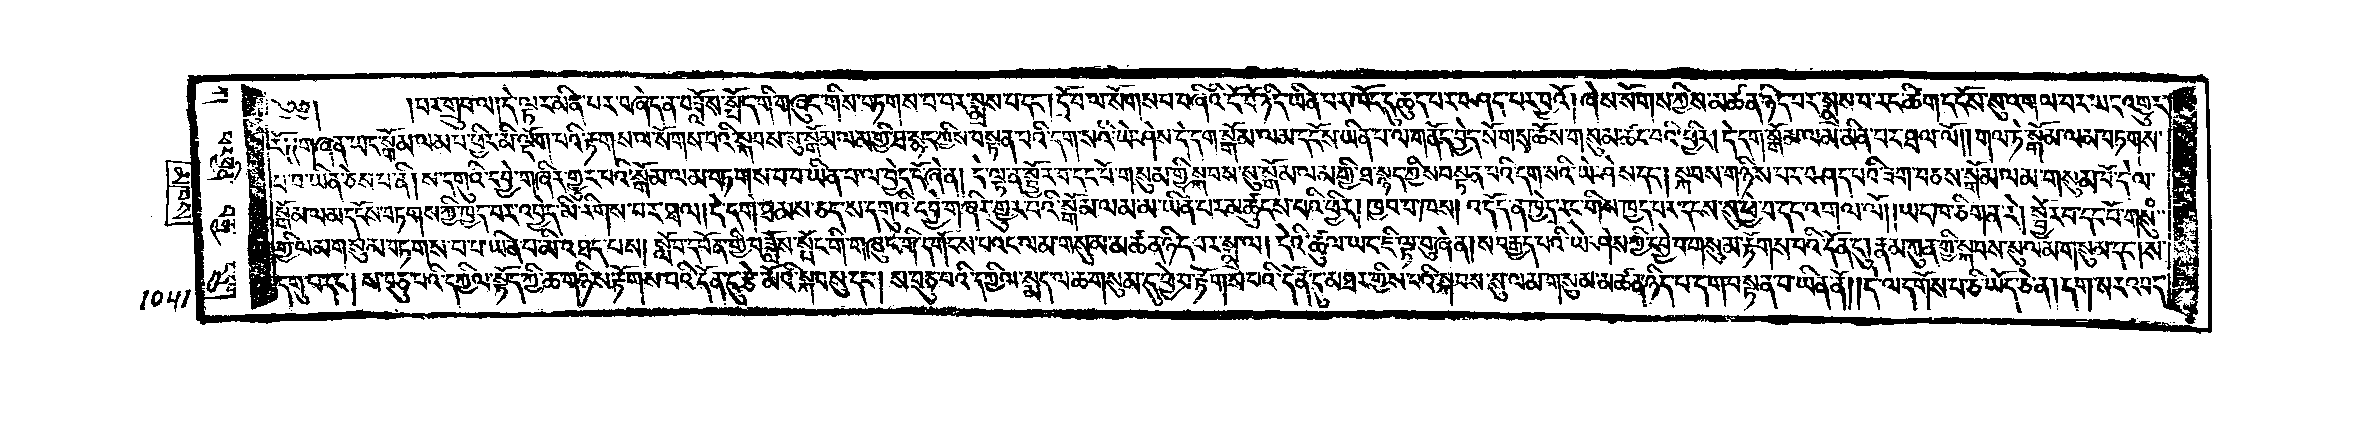༄༅། །པར་གྲུབ་ལ། དེ་ལྟར་མིན་པར་བཞེད་ན་བཟློས་སྤོད་གི་གཞུང་གིས་བཏགས་པ་བར་སྨྲས་པ་དང་། དྲོ་བ་ལ་སོགས་པ་བཞིའི་ངོ་བོ་ཉིད་ཡིན་པར་ཁོང་དུ་ཆུད་པར་བཤད་པར་བྱའོ། ཞེས་སོགས་ཀྱིས་མཚན་ཉིད་པར་སྨྲས་པ་རང་ཚིག་དངོས་སུ་འགལ་བར་ཡང་འགྱུར་
རོ༑ ༑གཞན་ཡང་སྒོམ་ལམ་པ་ཕྱིར་མི་ལྡོག་པའི་རྟགས་ལ་སོགས་པའི་སྐབས་སུ་སྒོམ་ལམ་གྱི་ཐ་སྙད་ཀྱིས་བསྟན་པའི་དག་སའི་ཡེ་ཤེས་དེ་དག་སྒོམ་ལམ་དངོས་ཡིན་པ་ལ་གནོད་བྱེད་སོགས་ཆོས་གསུམ་ཚང་བའི་ཕྱིར། དེ་དག་སྒོམ་ལམ་མིན་པར་ཐལ་ལོ། །གལ་ཏེ་སྒོམ་ལམ་བཏགས་
པ་བ་ཡིན་ཅེས་པ་ནི། ས་དགུའི་དབྱེ་གཞིར་གྱུར་པའི་སྒོམ་ལམ་བཏགས་པ་བ་ཡིན་པ་ལ་བྱེད་དོ་ཞེ་ན། དེ་ལྟ་ན་སྦྱོར་བ་དང་པོ་གསུམ་གྱི་སྐབས་སུ་སྒོམ་ལམ་གྱི་ཐ་སྙད་ཀྱིས་བསྟན་པའི་དག་སའི་ཡེ་ཤེས་དང་། སྐབས་གཉིས་པར་བཤད་པའི་ཟག་བཅས་སྒོམ་ལམ་གསུམ་པོ་དེ་ལ་
སྒོམ་ལམ་དངོས་བཏགས་ཀྱི་ཁྱད་པར་འབྱེད་མི་རིགས་པར་ཐལ། དེ་དག་ཐམས་ཅད་ས་དགུའི་དབྱེ་གཞིར་གྱུར་བའི་སྒོམ་ལམ་མ་ཡིན་པར་མཚུངས་པའི་ཕྱིར། ཁྱབ་པ་ཁས། འདོད་ན་ཁྱེད་རང་གིས་ཁྱད་པར་དངོས་སུ་ཕྱེ་བ་དང་འགལ་ལོ། །ཡང་ཁ་ཅིག་ན་རེ། སྦྱོར་བ་དང་པོ་གསུམ་
གྱི་ལམ་གསུམ་བཏགས་པ་པ་ཡིན་པ་མི་འཐད་པས། སློབ་དཔོན་གྱི་བཟློས་སྤོང་གི་གཞུང་གི་དགོངས་པའང་ལམ་གསུམ་མཚན་ཉིད་པར་སྨྲ་ལ། དེའི་ཚུལ་ཡང་ཇི་ལྟ་བུ་ཞེ་ན། ས་བརྒྱད་པའི་ཡེ་ཤེས་ཀྱི་དབྱེ་བ་གསུམ་རྟོགས་པའི་དོན་དུ། རྣམ་ཀུན་གྱི་སྐབས་སུ་ལམ་གསུམ་དང་། ས་
དགུ་པ་དང་། ས་བཅུ་པའི་དཀྱིལ་སྟོད་ཀྱི་ཆ་གཉིས་རྟོགས་པའི་དོན་དུ་རྩེ་མོའི་སྐབས་སུ་དང་། ས་བཅུ་པའི་དཀྱིལ་སྨད་ལ་ཆ་གསུམ་དུ་ཕྱེ་བ་རྟོགས་པའི་དོན་དུ་མཐར་གྱིས་པའི་སྐབས་སུ་ལམ་གསུམ་མཚན་ཉིད་པ་དག་བསྟན་པ་ཡིན་ནོ། །དེ་ལ་དགོས་པ་ཅི་ཡོད་ཅེ་ན། དག་སར་འབད་